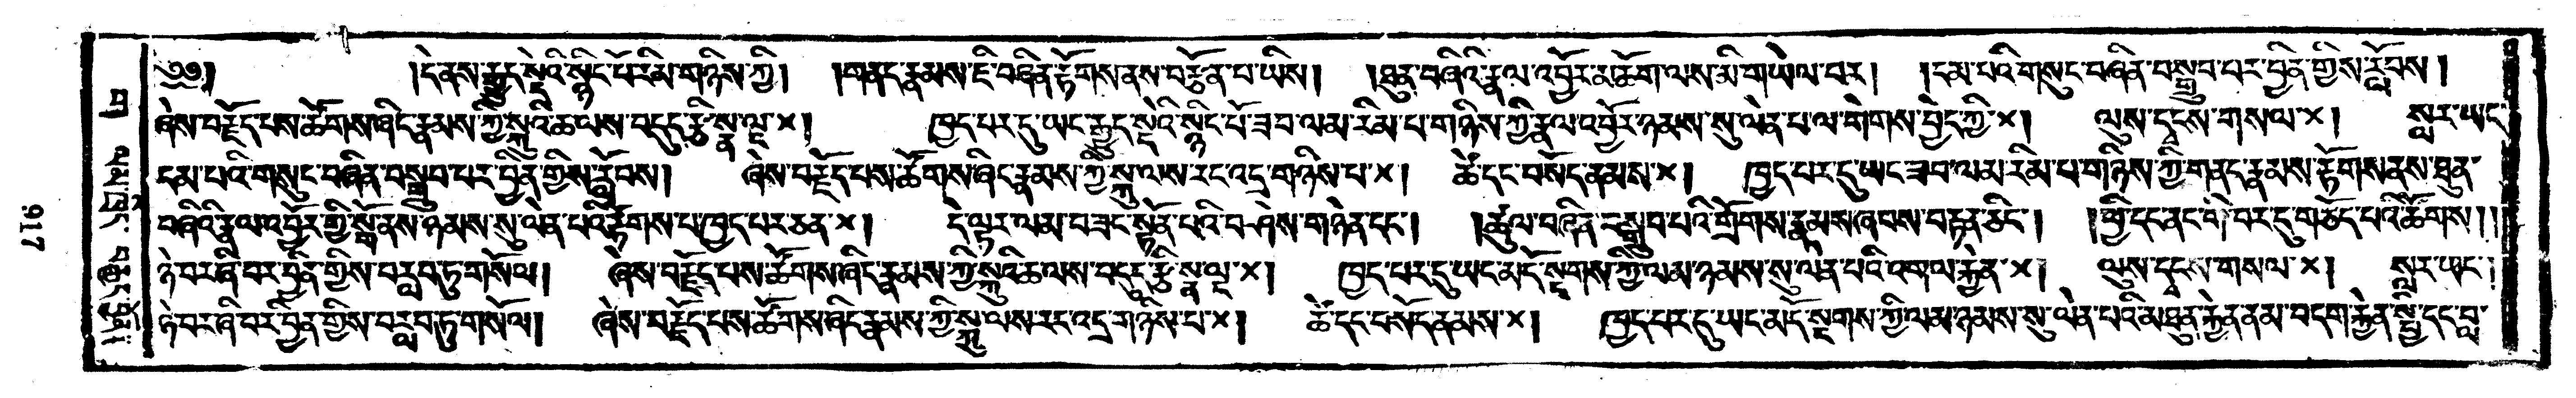༄༅། །དེ་ནས་རྒྱུད་སྡེའི་སྙིང་པོ་རིམ་གཉིས་ཀྱི། །གནད་རྣམས་ཇི་བཞིན་རྟོགས་ནས་བརྩོན་པ་ཡིས། །ཐུན་བཞིའི་རྣལ་འབྱོར་མཆོག་ལས་མི་གཡེལ་བར། །དམ་པའི་གསུང་བཞིན་བསྒྲུབ་བར་བྱིན་གྱིས་རློབས།
ཞེས་བརྗོད་པས་ཚོགས་ཞིང་རྣམས་ཀྱི་སྐུའི་ཆ་ལས་བདུད་རྩི་སྣ་ལྔ་྾། ཁྱད་པར་དུ་ཡང་རྒྱུད་སྡེའི་སྙིང་པོ་ཟབ་ལམ་རིམ་པ་གཉིས་ཀྱི་རྣལ་འབྱོར་ཉམས་སུ་ལེན་པ་ལ་གེགས་བྱེད་ཀྱི་྾། ལུས་དྭངས་གསལ་྾། སླར་ཡང་
དམ་པའི་གསུང་བཞིན་བསྒྲུབ་པར་བྱིན་གྱིས་རློབས། ཞེས་བརྗོད་པས་ཚོགས་ཞིང་རྣམས་ཀྱི་སྐུ་ལས་རང་འདྲ་གཉིས་པ་྾། ཚེ་དང་བསོད་ནམས་྾། ཁྱད་པར་དུ་ཡང་ཟབ་ལམ་རིམ་པ་གཉིས་ཀྱི་གནད་རྣམས་རྟོགས་ནས་ཐུན་
བཞིའི་རྣལ་འབྱོར་གྱི་སྒོ་ནས་ཉམས་སུ་ལེན་པའི་རྟོགས་པའི་ཁྱད་པར་ཅན་྾། དེ་ལྟར་ལམ་བཟང་སྟོན་པའི་བཤེས་གཉེན་དང་། །ཚུལ་བཞིན་བསྒྲུབ་པའི་གྲོགས་རྣམས་ཞབས་བརྟན་ཅིང་། །ཕྱི་དང་ནང་གི་བར་དུ་གཅོད་པའི་ཚོགས། །
ཉེ་བར་ཞི་བར་བྱིན་གྱིས་བརླབ་ཏུ་གསོལ། ཞེས་བརྗོད་པས་ཚོགས་ཞིང་རྣམས་ཀྱི་སྐུའི་ཆ་ལས་བདུད་རྩི་སྣ་ལྔ་྾། ཁྱད་པར་དུ་ཡང་མདོ་སྔགས་ཀྱི་ལམ་ཉམས་སུ་ལེན་པའི་འགལ་རྐྱེན་྾། ལུས་དྭངས་གསལ་྾། སླར་ཡང་།
ཉེ་བར་ཞི་བར་བྱིན་གྱིས་བརླབ་ཏུ་གསོལ། ཞེས་བརྗོད་པས་ཚོགས་ཞིང་རྣམས་ཀྱི་སྐུ་ལས་རང་འདྲ་གཉིས་པ་྾། ཚེ་དང་བསོད་ནམས་྾། ཁྱད་པར་དུ་ཡང་མདོ་སྔགས་ཀྱི་ལམ་ཉམས་སུ་ལེན་པའི་མཐུན་རྐྱེན་ནམ་བདག་རྐྱེན་སྤྱི་དང་བླ་